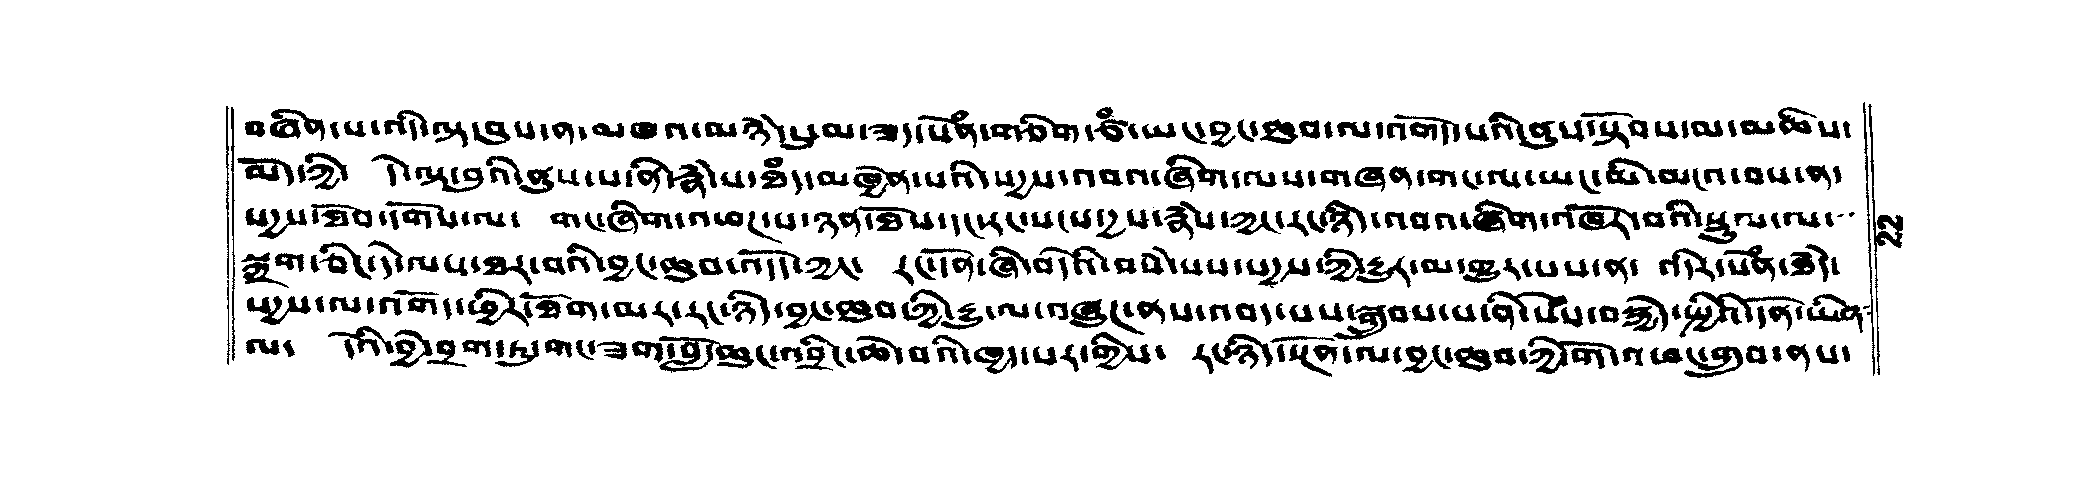བཞིན་པ་འདི་ལྟ་བུས་ན་མཁའ་མཉམ་དུ་མ་ཟད་སེམས་ཅན་གཅིག་ཙམ་ཡང་བྱང་ཆུབ་ལ་འགོད་པའི་ནུས་སྟོབས་མ་མཆིས་
མོད་ཀྱི། དེ་ལྟ་བུའི་ནུས་པ་ནི་རྣམ་པ་ཐམས་ཅད་མཁྱེན་པའི་སངས་རྒྱས་འབའ་ཞིག་ལས་གཞན་གག་ལ་ཡང་མི་མངའ་བས་ན་
སངས་རྒྱས་ཐོབ་དགོས་ལ། གང་ཞིག་འཕགས་པ་ཉན་ཐོས་དང་རང་སངས་རྒྱས་རྣམས་ཀྱང་རང་ཉིད་འབའ་ཞིག་འཁོར་བའི་སྡུག་བསྔལ་ལ་
སྐྲག་ཅིང་དེ་ལས་ཐར་བའི་བྱང་ཆུབ་་་་་་་་་་་་ཀྱི་རྒྱུ་ལ་བཞུགས་ནས་འབད་པས་སྒྲུབས་པ་ནི་སེམས་བསྐྱེད་སྤྱིའི་དོན་ཡིན་
ལ། དེའི་བྱེ་བྲག་ཏུ་གང་ཟག་བློ་ཆུང་འབྲིང་ཆེད་བའི་ཁྱད་པར་གྱིས། རང་ཉིད་སྔོན་ལ་བྱང་ཆུབ་ཀྱི་གོ་འཕང་གྲུབ་ནས་